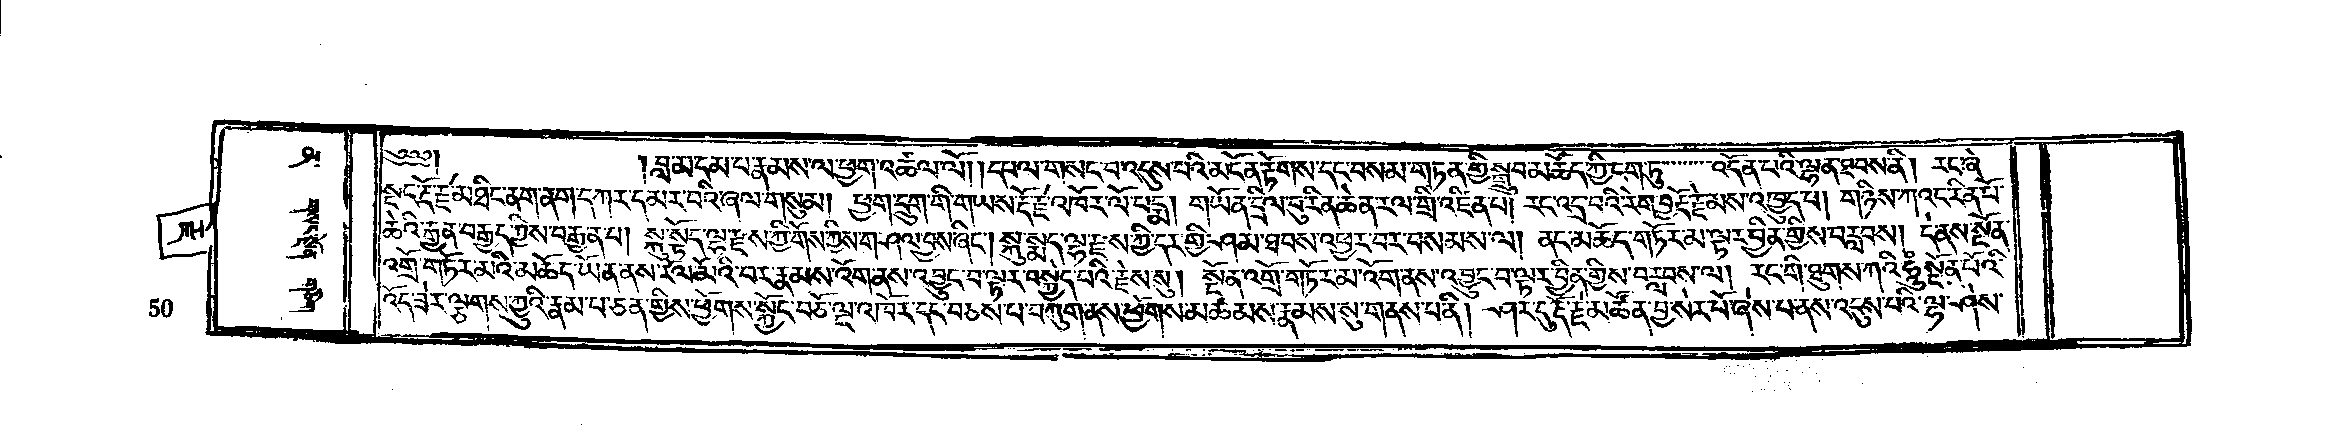༄༅༅། །བླ་མ་དམ་པ་རྣམས་ལ་ཕྱག་འཚལ་ལོ། །དཔལ་གསང་བ་འདུས་པའི་མངོན་རྟོགས་དང་བསམ་གཏན་གྱི་སྒྲུབ་མཆོད་ཀྱི་ངག་ཏུ་འདོན་པའི་ལྷན་ཐབས་ནི། རང་ཞེ་
སྡང་རྡོ་རྗེ་མཐིང་ནག་ནག་དཀར་དམར་བའི་ཞལ་གསུམ། ཕྱག་དྲུག་གི་གཡས་རྡོ་རྗེ་འཁོར་ལོ་པདམ། གཡོན་དྲིལ་བུ་རིན་ཆེན་རལ་གྲི་འཛིན་པ། རང་འདྲ་བའི་རེག་བྱ་རྡོ་རྗེ་མས་འཁྱུད་པ། གཉིས་ཀའང་རིན་པོ་
ཆེའི་རྒྱན་བརྒྱད་ཀྱིས་བརྒྱན་པ། སྐུ་སྟོད་ལྷ་རྫས་ཀྱི་གོས་ཀྱིས་ག་ཤལ་བྱས་ཞིང་། སྐུ་སྨད་ལྷ་རྫས་ཀྱི་དར་གྱི་ཤམ་ཐབས་འཕྱར་བར་བསམས་ལ། ནང་མཆོད་གཏོར་མ་ལྟར་བྱིན་གྱིས་བརླབས། དེ་ནས་སྔོན་
འགྲོ་གཏོར་མའི་མཆོད་ཡོན་ནས་རོལ་མོའི་བར་རྣམས་འོག་ནས་འབྱུང་བ་ལྟར་བསྐྱེད་པའི་རྗེས་སུ། སྔོན་འགྲོ་གཏོར་མ་འོག་ནས་འབྱུང་བ་ལྟར་བྱིན་གྱིས་བརླབས་ལ། རང་གི་ཐུགས་ཀའི་ཧཱུཾ་སྔོན་པོའི་
འོད་ཟེར་ལྕགས་ཀྱུའི་རྣམ་པ་ཅན་གྱིས་ཕྱོགས་སྐྱོང་བཅོ་ལྔ་འཁོར་དང་བཅས་པ་བཀུག་ནས་ཕྱོགས་མཚམས་རྣམས་སུ་གནས་པ་ནི། ཤར་དུ་རྡོ་རྗེ་མཚོན་བྱ་སེར་པོ་ཞེས་པ་ནས་འདུས་པའི་ལྷ་ཤེས་